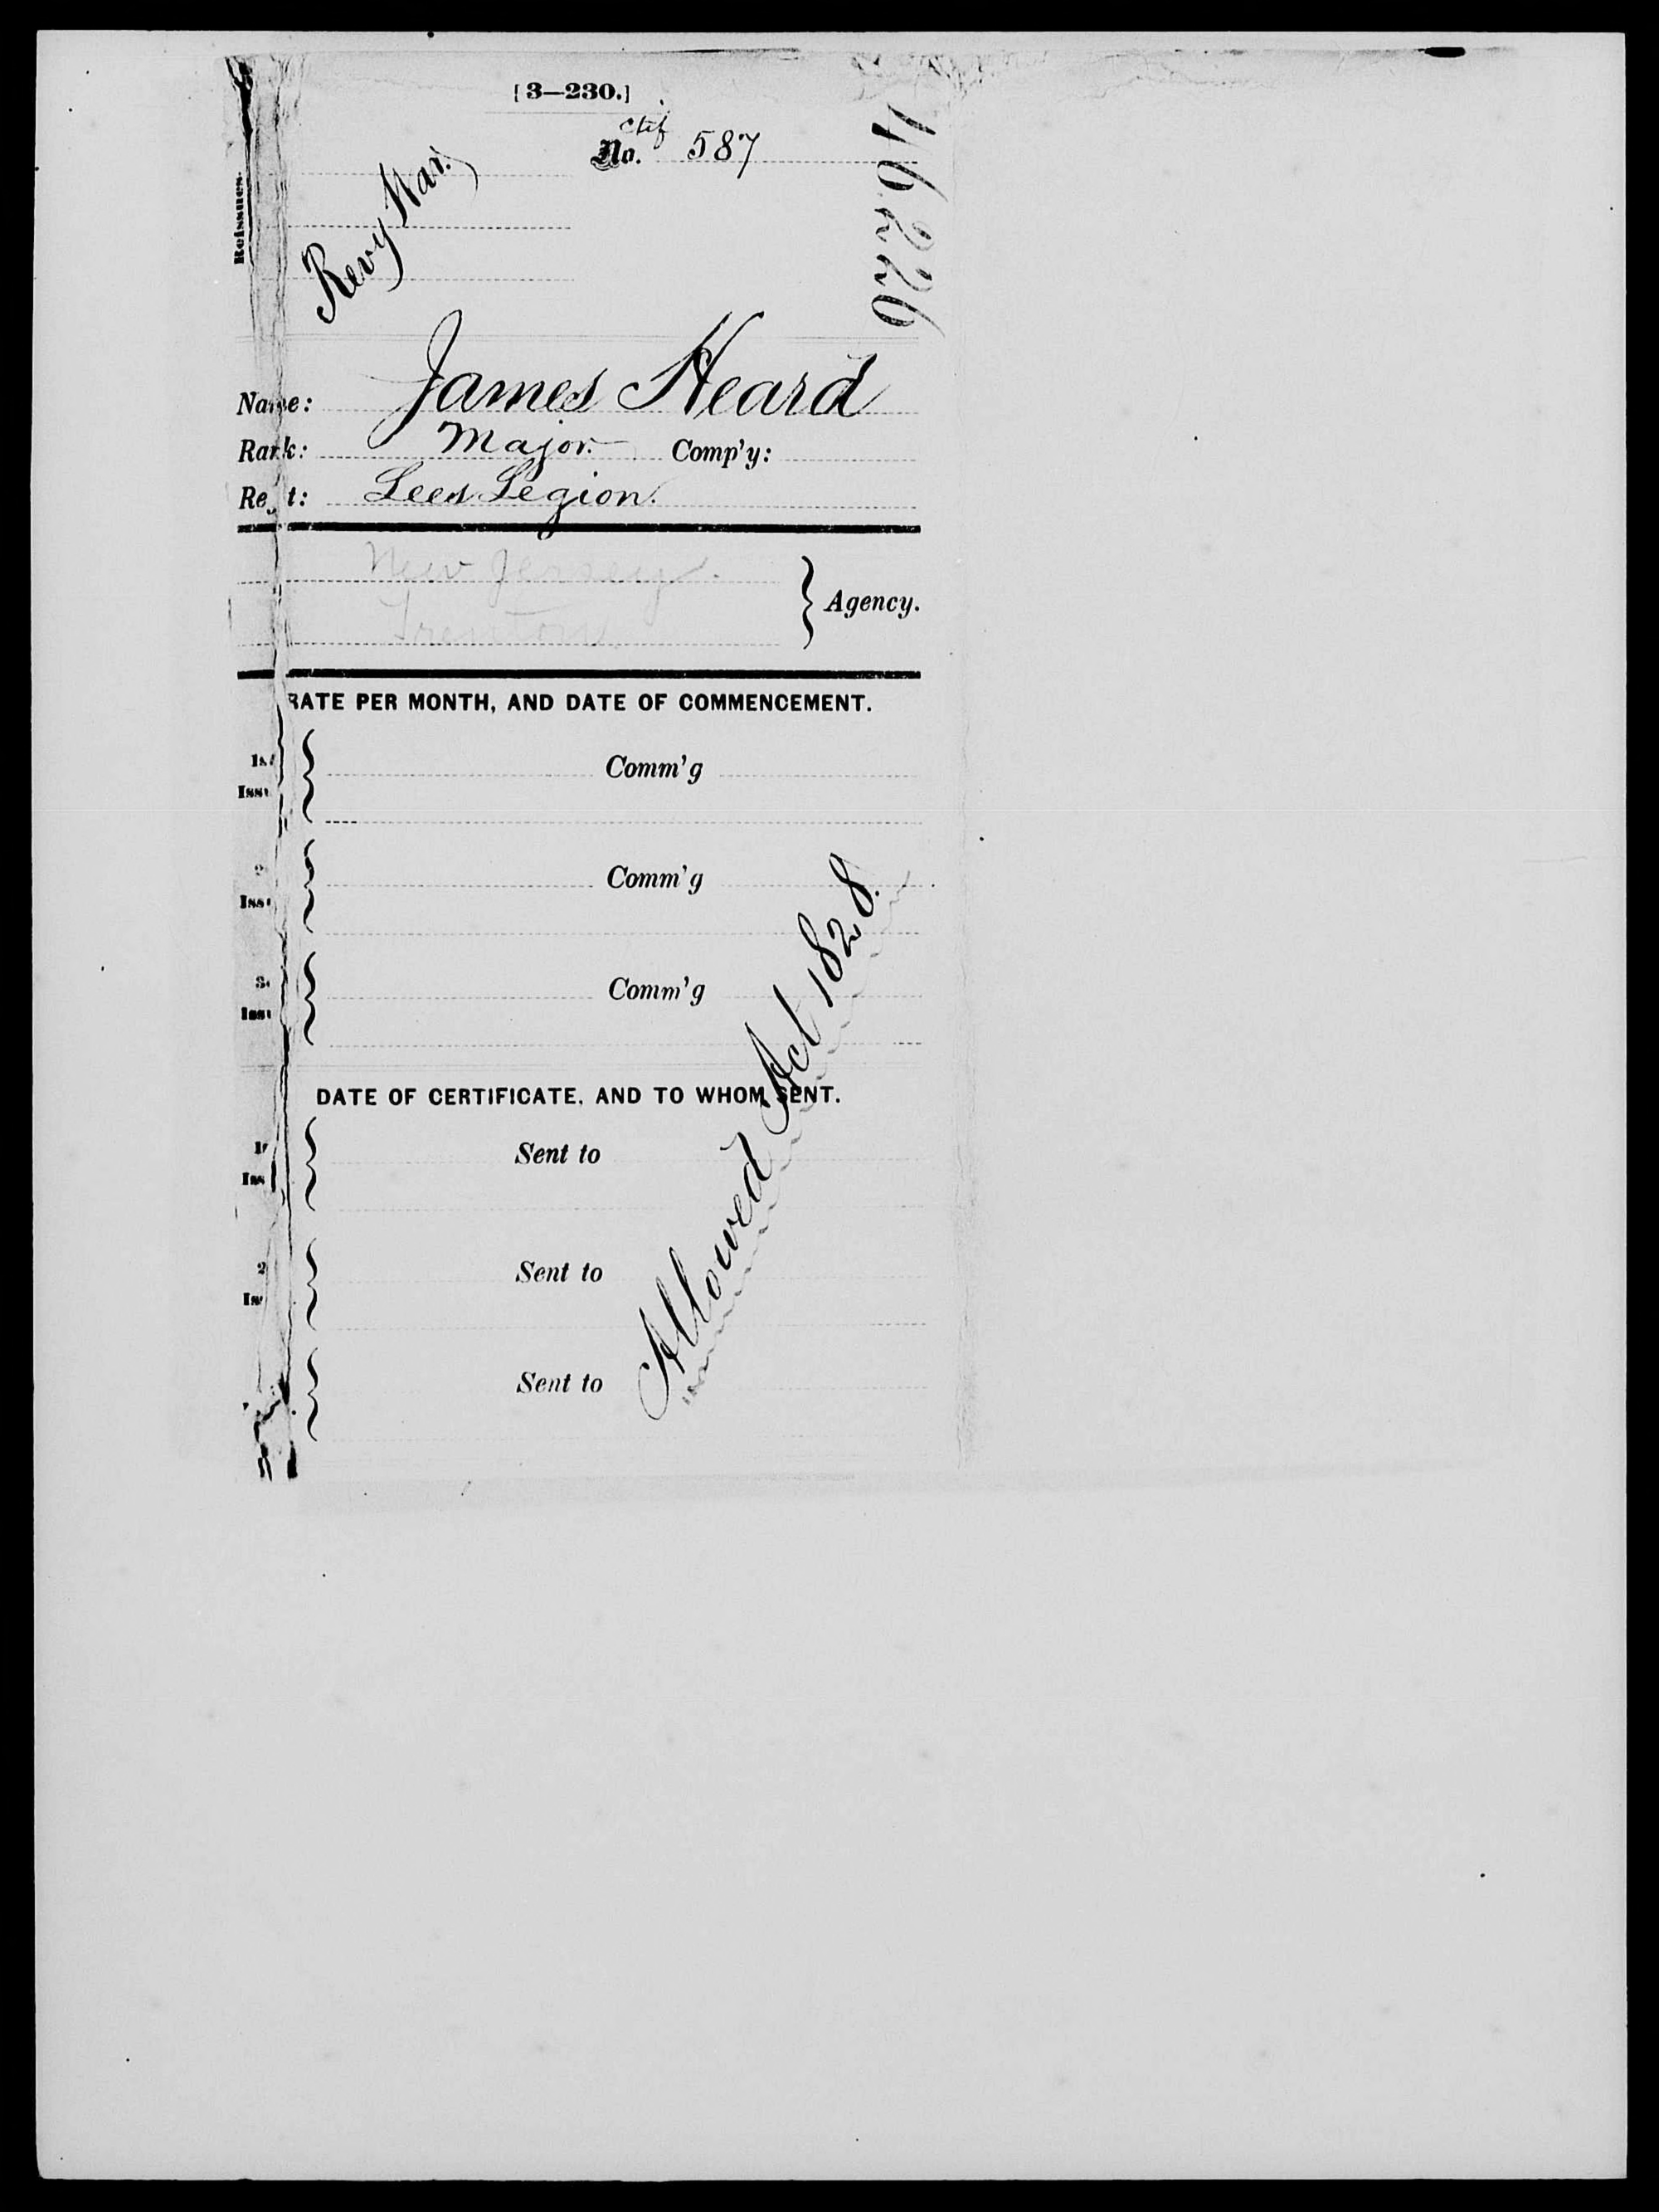Revolutionary War
James Heard
Major 
Lee’s Legion
Allowed Act 1828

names: James Heard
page: 11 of 62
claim: survivor's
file: S. 540, James Heard, Continental - New Jersey Residence In 1818